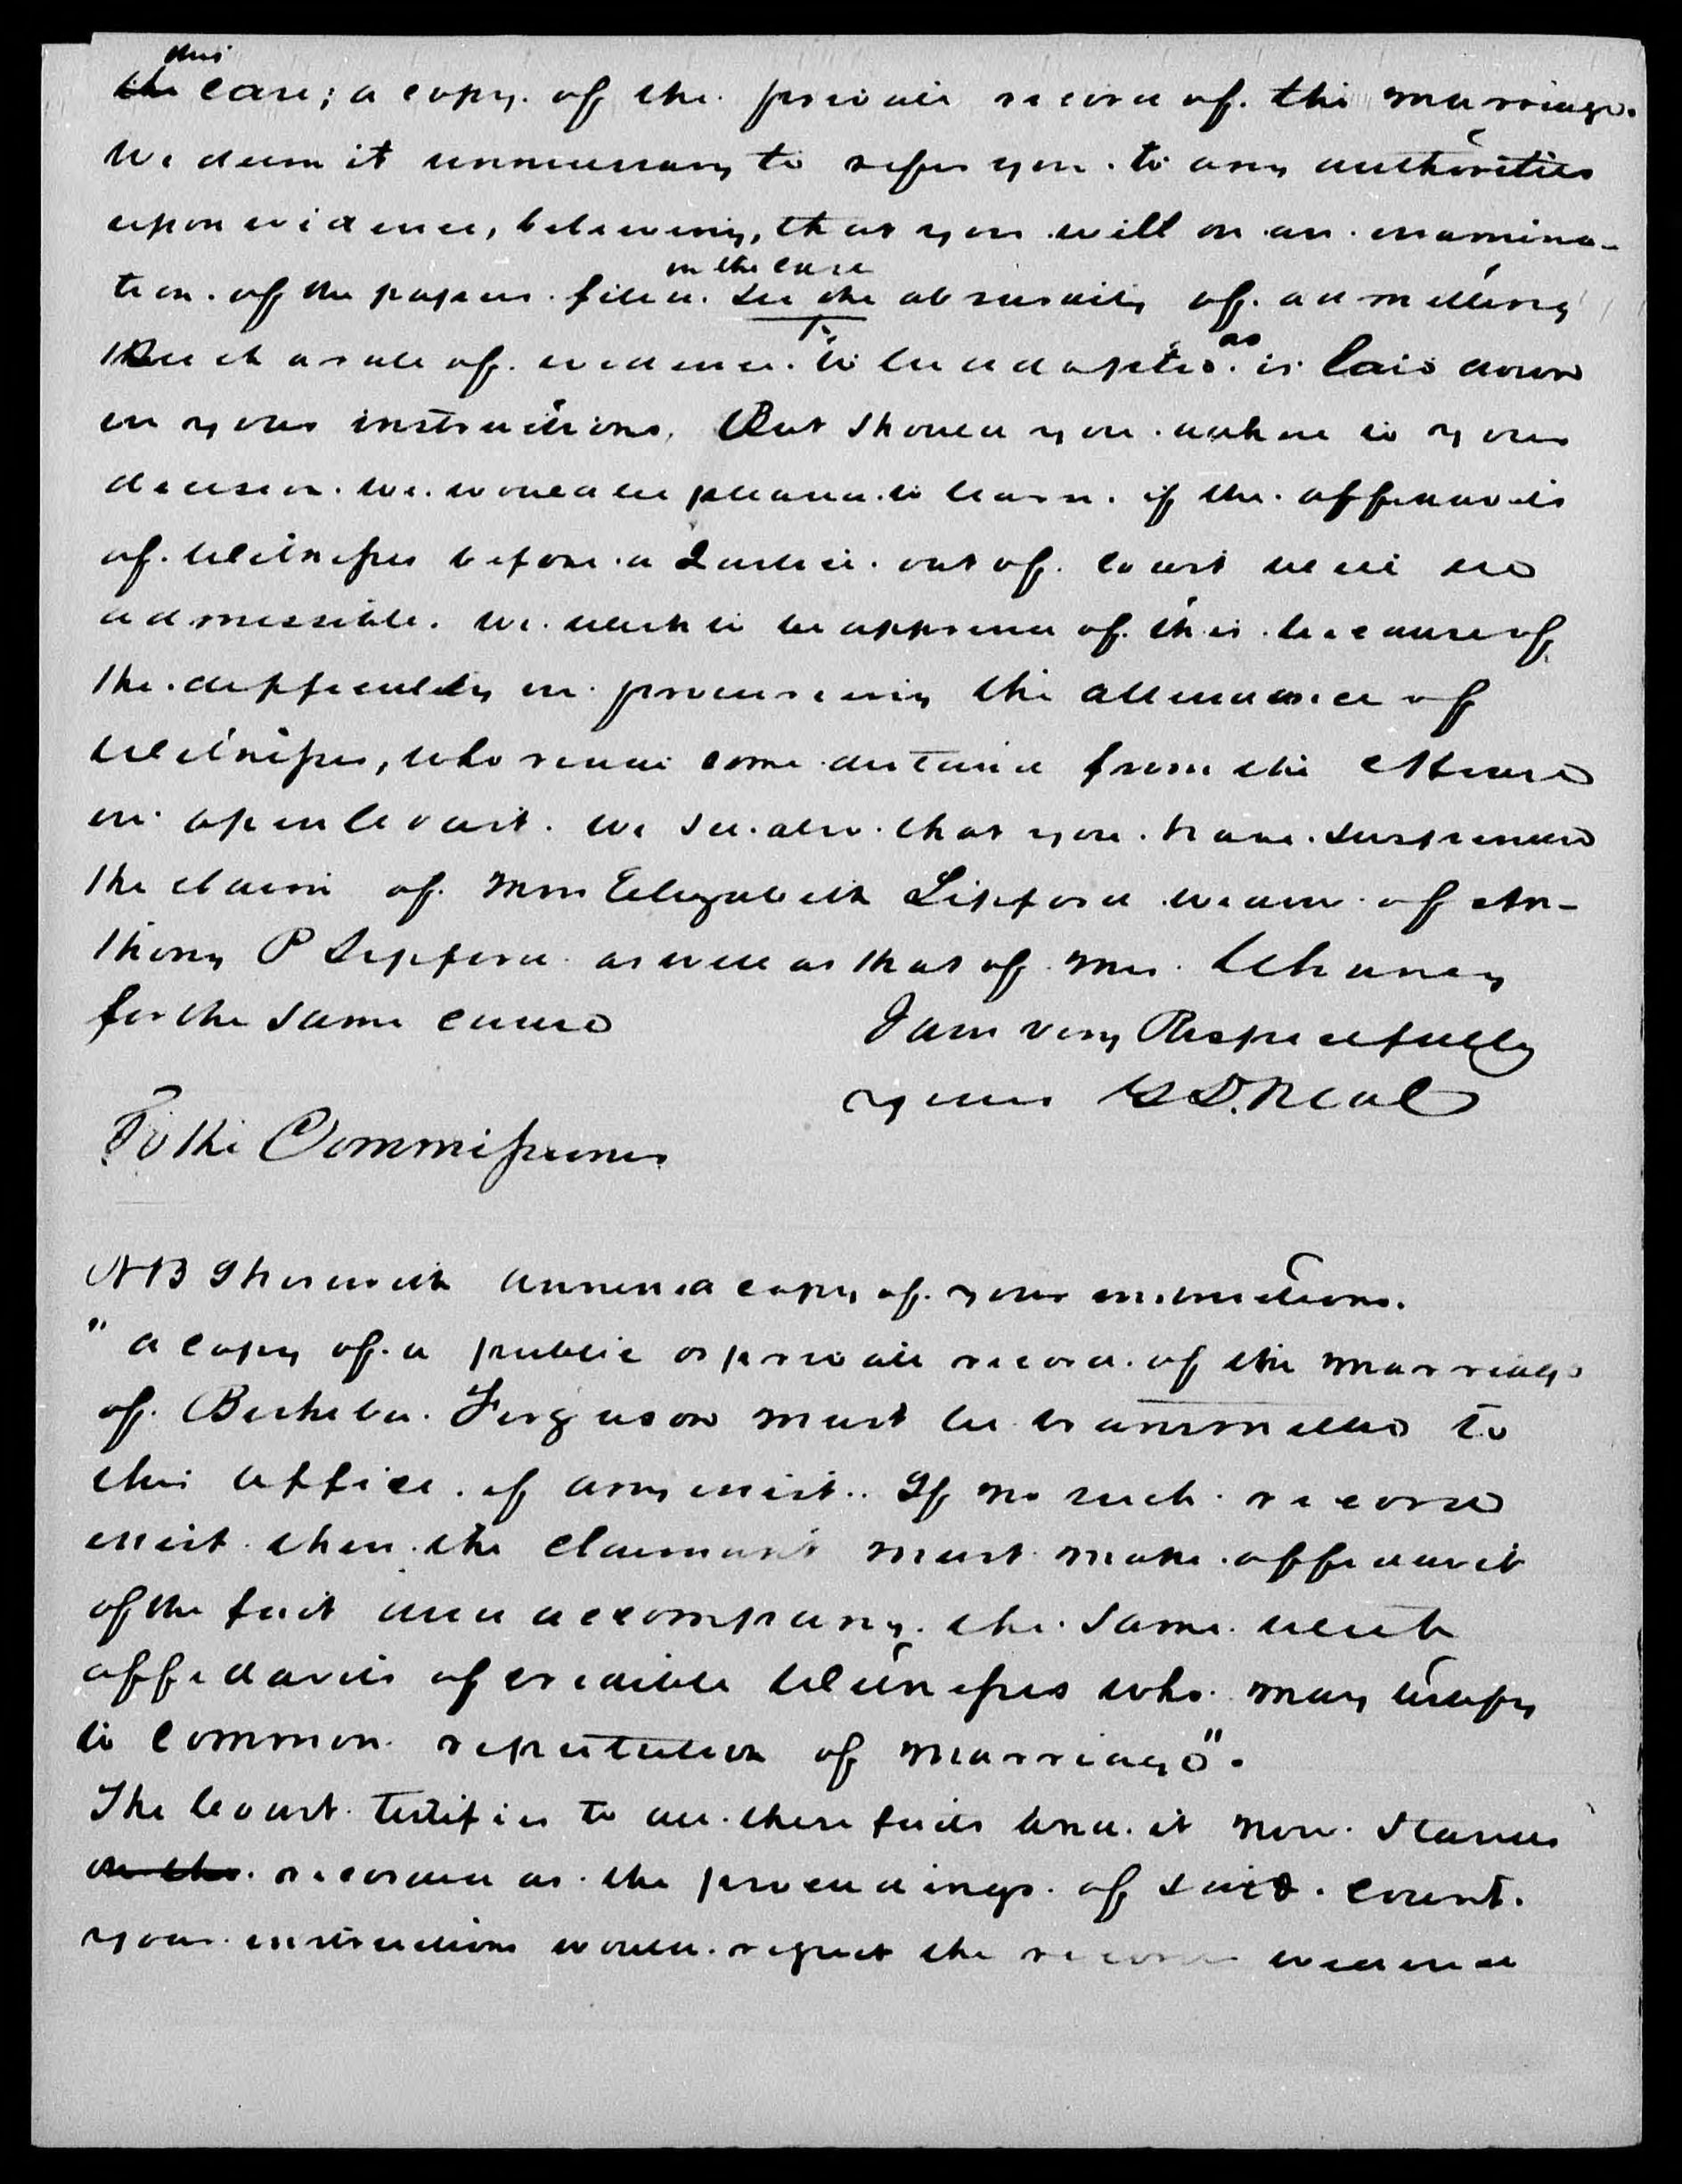^this
the [crossed out] case; a copy of the previous record of this marriage. We deem it unnecessary to refer you to any authorities upon evidence, believing, that you will on an examination of the papers filed in the case 
[illegible: assuredly of a???]
such a rule of evidence.
[illegible] as is laid down in your instructions, But should you adhere to your
decision, We would be pleased to learn of the affidavits of witnesses before a Justice out of Court will deem admissible.  We [illegible ] in the approach of this. I am sure of the difficulty of processing the admittance of witnesses, who remain some distance from this affair [?]
in open court. We see also that you have suspended the claim of Mrs Elizabeth Linford  widow of Anthony P. Sepford as well as that of Mrs. Chaney for the same cause
I am very Respectfully yours
G O Neal

To the Commissioners

Herewith [illegible] a copy of your intentions
“A copy of a public or private record of the marriage
of Besheba Ferguson must be admitted to
this office of army [illegible]. If no such record
exists then the claimant must make affidavit
of the fact and accompany the same with
affidavits of credible witnesses who may testify
to common institution of marriage”
The Court testified to all these facts once and it now stands
in the records as the proceedings of said Court.
your [illegible] would request the record stand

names: Elizabeth Lipp, Anthony P Sepford, G D Neal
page: 58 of 81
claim: widow's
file: W. 7262, Robert Ferguson, Va.